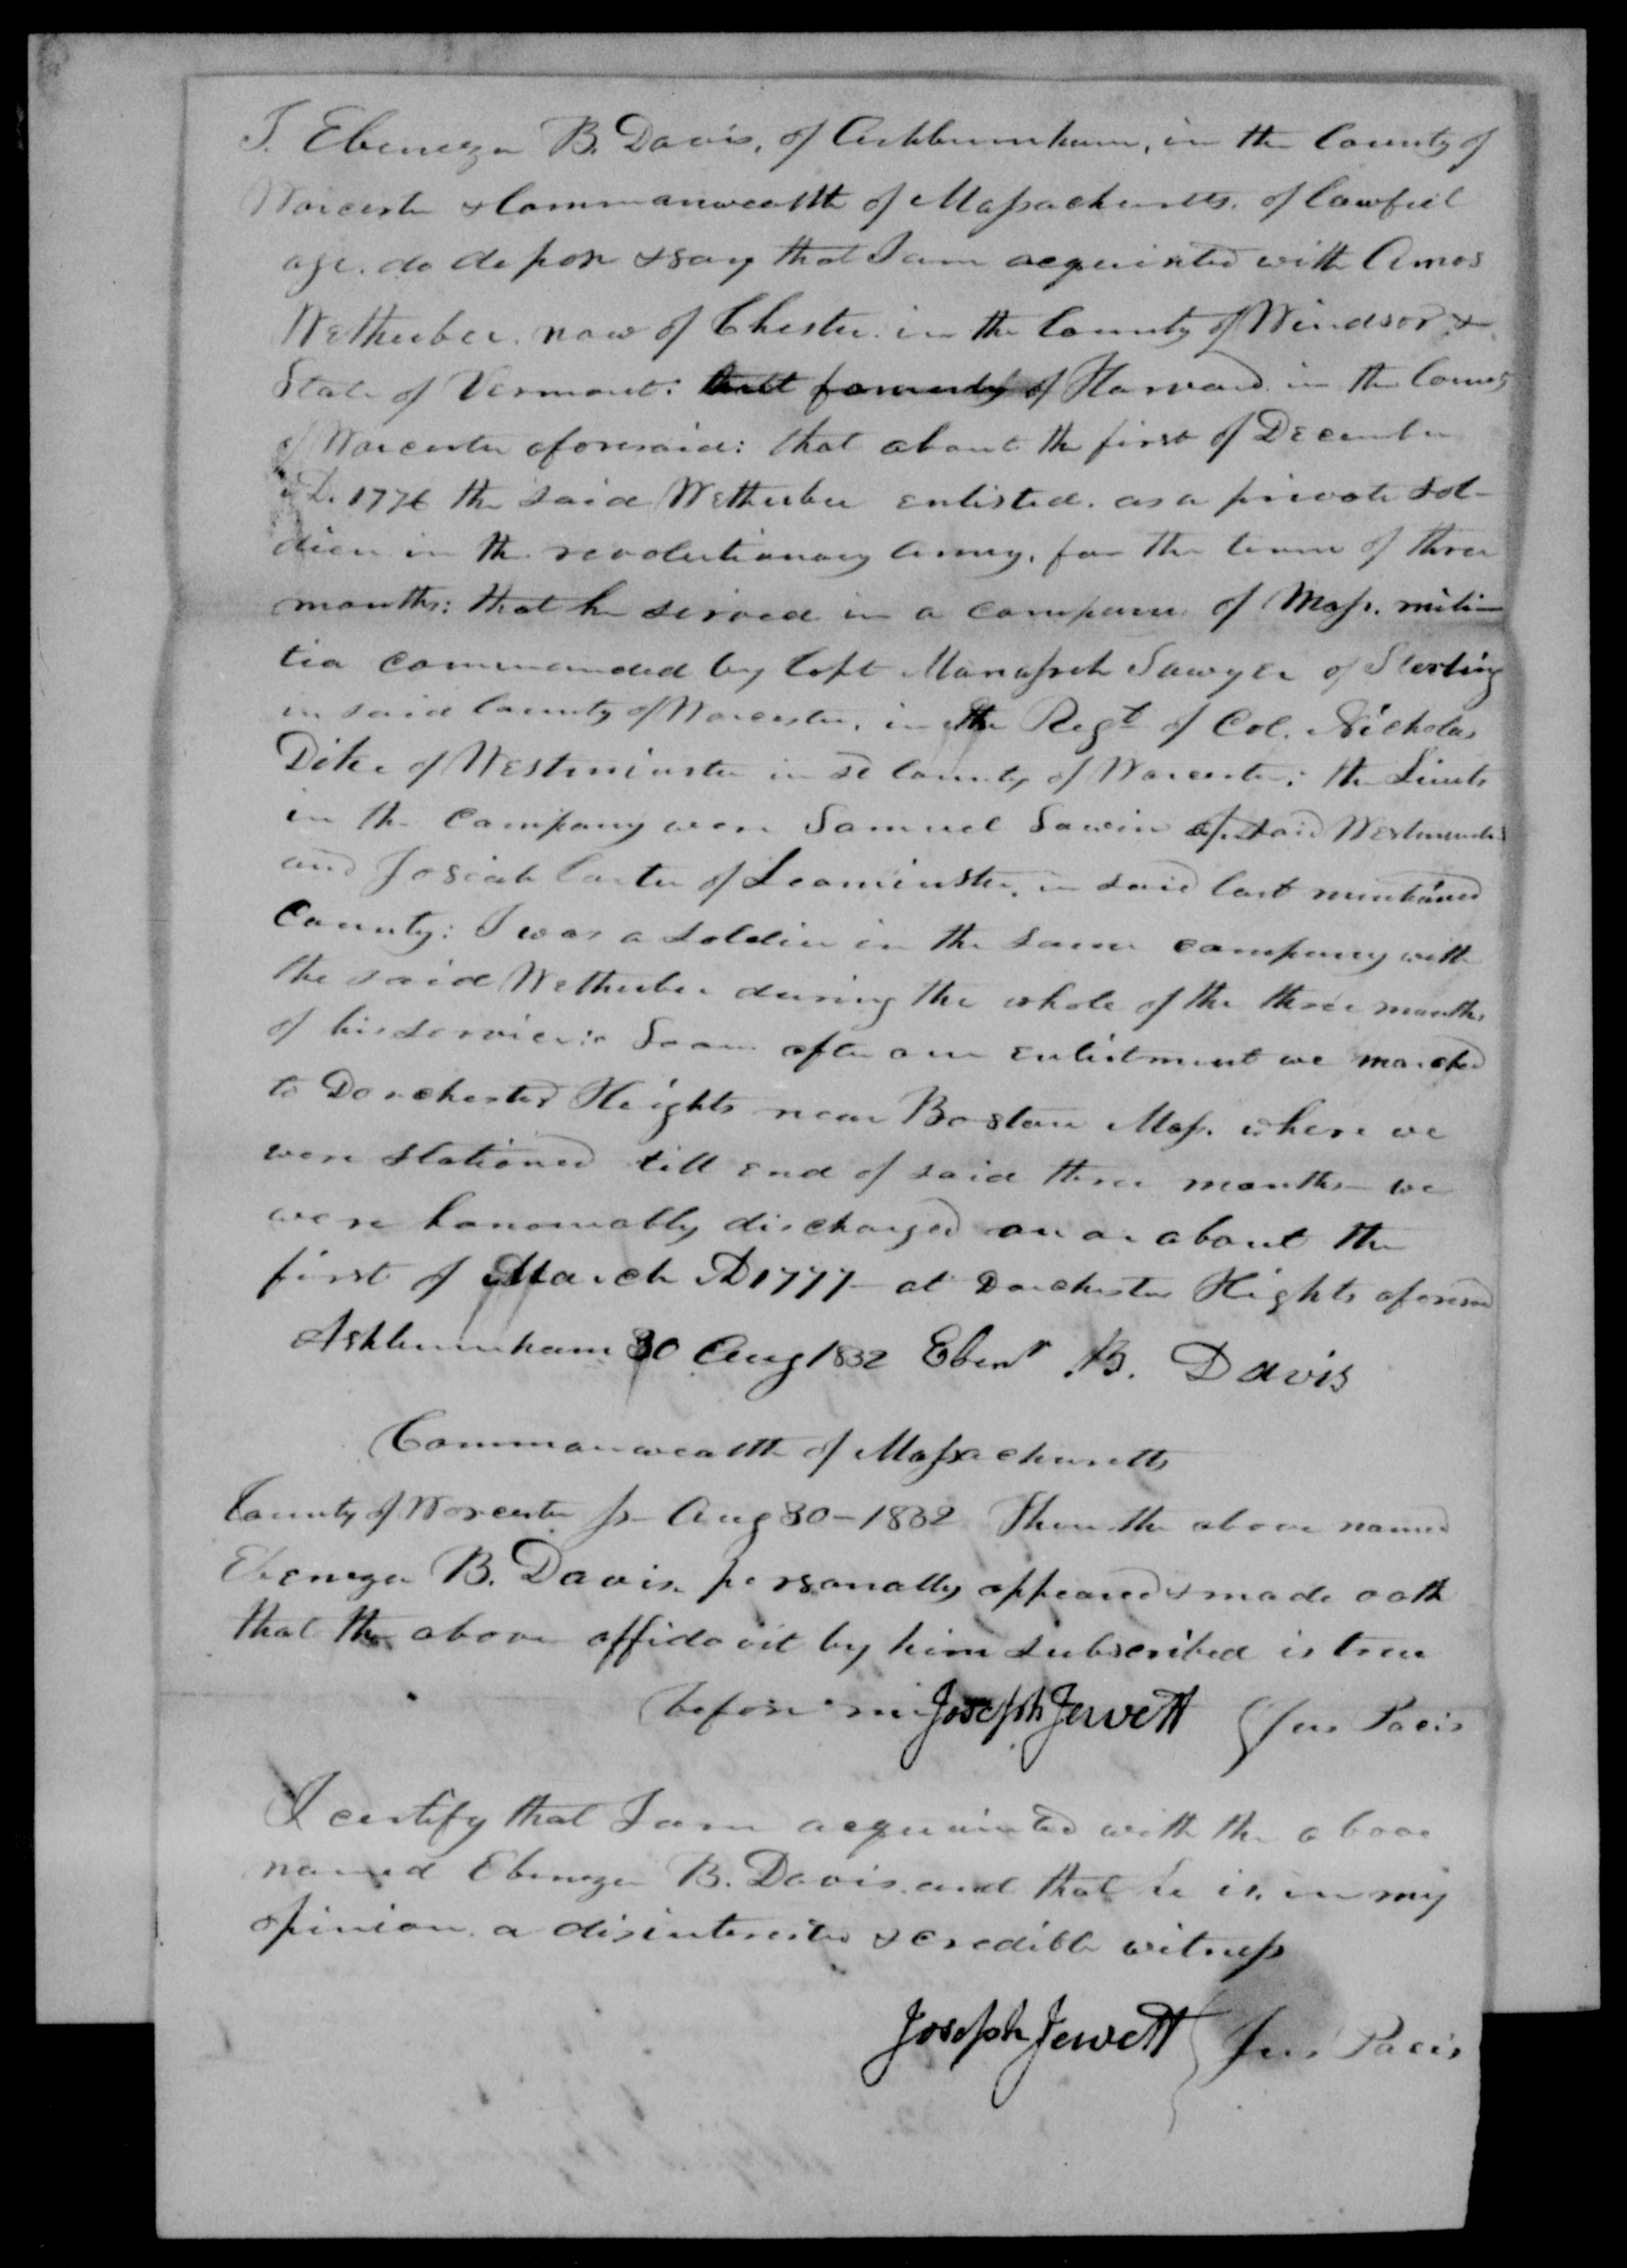I Ebenezeer B. Davis of Ashburnham in the County of Worcester & Commonwealth of Massachusetts of lawful age do depose & say that I am acquainted with Amos Wetherbee now of Chester in the County of Windsor & State of Vermont, but formerly of Harvard in the County of Worcester aforesaid; that about the first of December A.D. 1776 the said Wetherbee enlisted as a private soldier in the revolutionary army for the term of three months; that he served in a company of Mass. militia commanded by Capt. Manassah Sawyer of Sterling in said County of Worcester in the Regt of Col. Nicholas Dike of Westminster in said County of Worcester; the Lieuts. in the company were 
Samuel Sawin of said Westminster and Josiah Carter of Leominster in said last mentioned county; I was a soldier in the same company with the said Wetherbee during the whole of the three months of his service. Soon after our enlistment we marched to Dorchester Heights near Boston mass. where we were stationed till end of said three months. we were honorably discharged and about the first of march AD 1777 at Dorchester Heights aforesaid.
Ashburnham 30 Aug. 1832. 
Ebenr. B. Davis

Commonwealth of Massachusetts
County of Worcester SS. Aug. 30 1832 
Then the above named Ebenezer B. Davis personally appeared & made oath that the above affidavit by him subscribed is true.
Before me Joseph Jewett, Jus. Peace

I certify that I am acquainted with the above named Ebenezer B. Davis and that he is in my opinion a disinterested & credible witness.
Joseph Jewett, Jus. Peace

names: Nicholas Dike, Joseph Jewett, Josiah Carter, Ebenezer B Davis, Samuel Sawin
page: 41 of 66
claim: widow's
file: W. 2468, Amos Wetherbee, Mass.